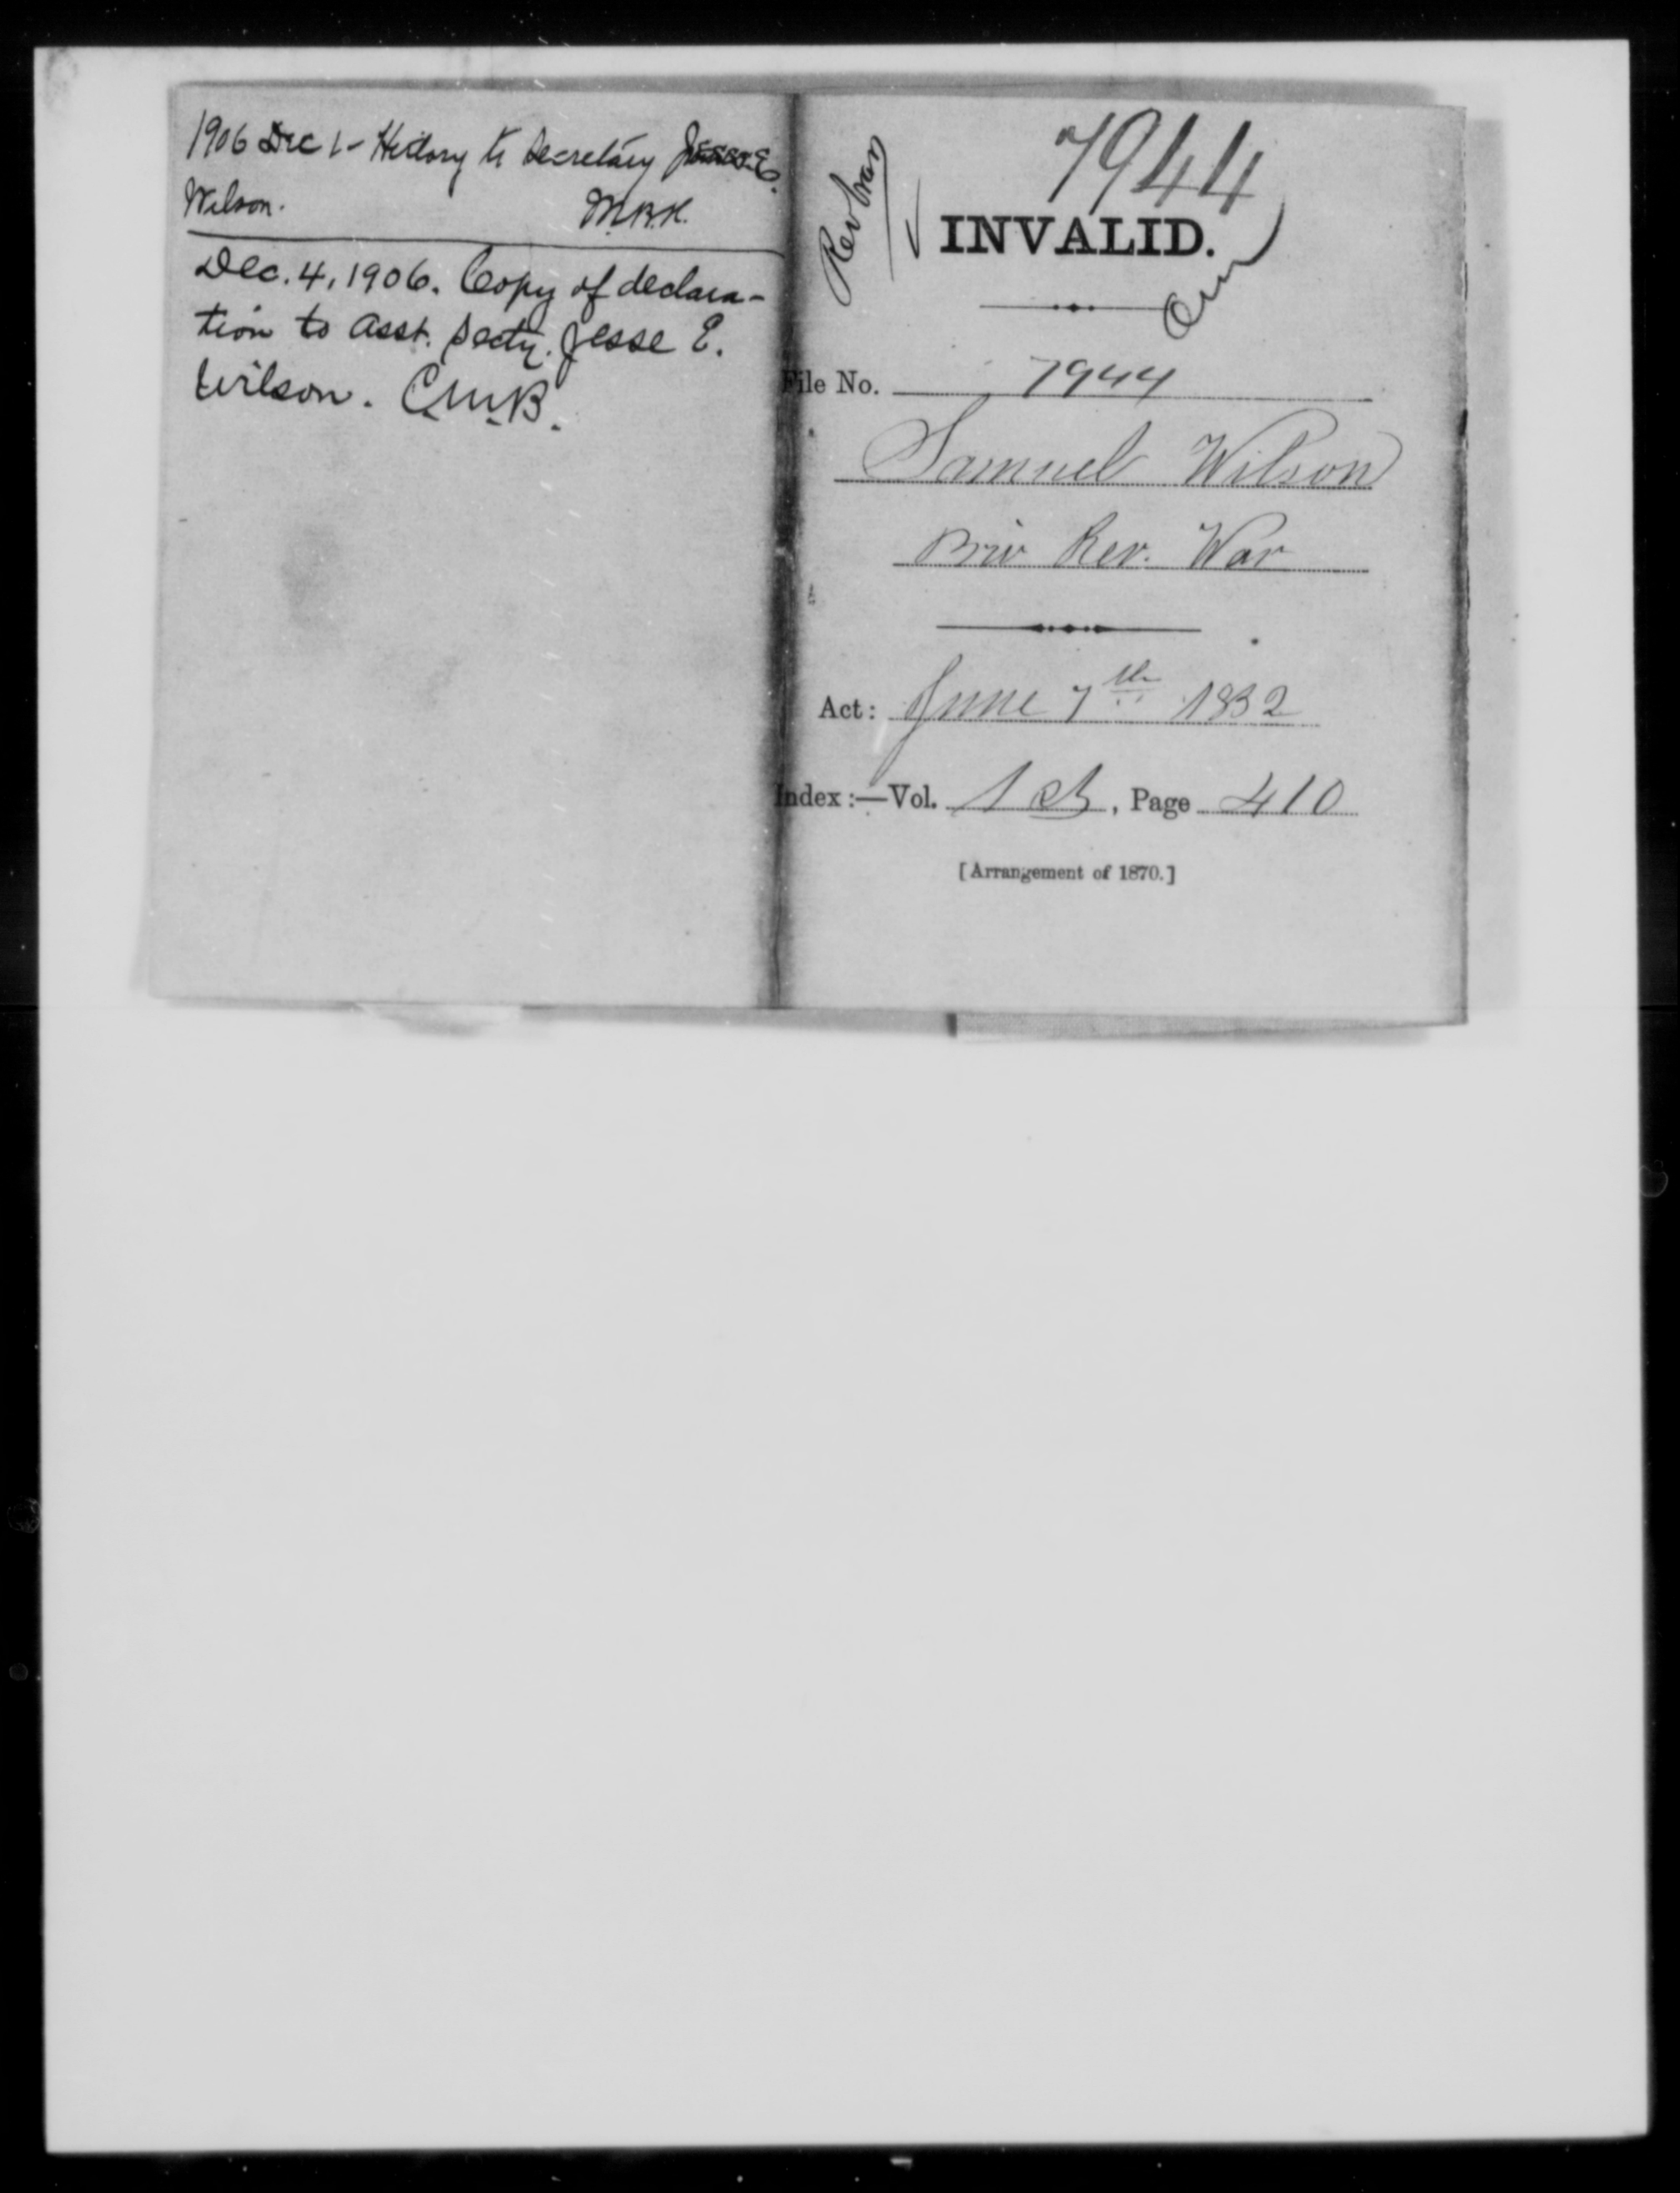[left column]
1906 Dec 1 - History to Secretary Jesse
Wilson M.B.N
Dec. 4, 1906. Copy of declaration
 to Asst Secty Jesse E.
Wilson, C.M.B

[right column]
Rev War
7944
INVALID.
---
File No. 7944
Samuel Wilson
Pri Rev. War
---
Act: June 7th 1832
Index:- Vol. AB, Page 410
[Arrangement of 1870.]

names: Samuel Wilson, Jesse E Wilson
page: 10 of 13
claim: survivor's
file: S. 7944, Samuel Wilson, N.C.